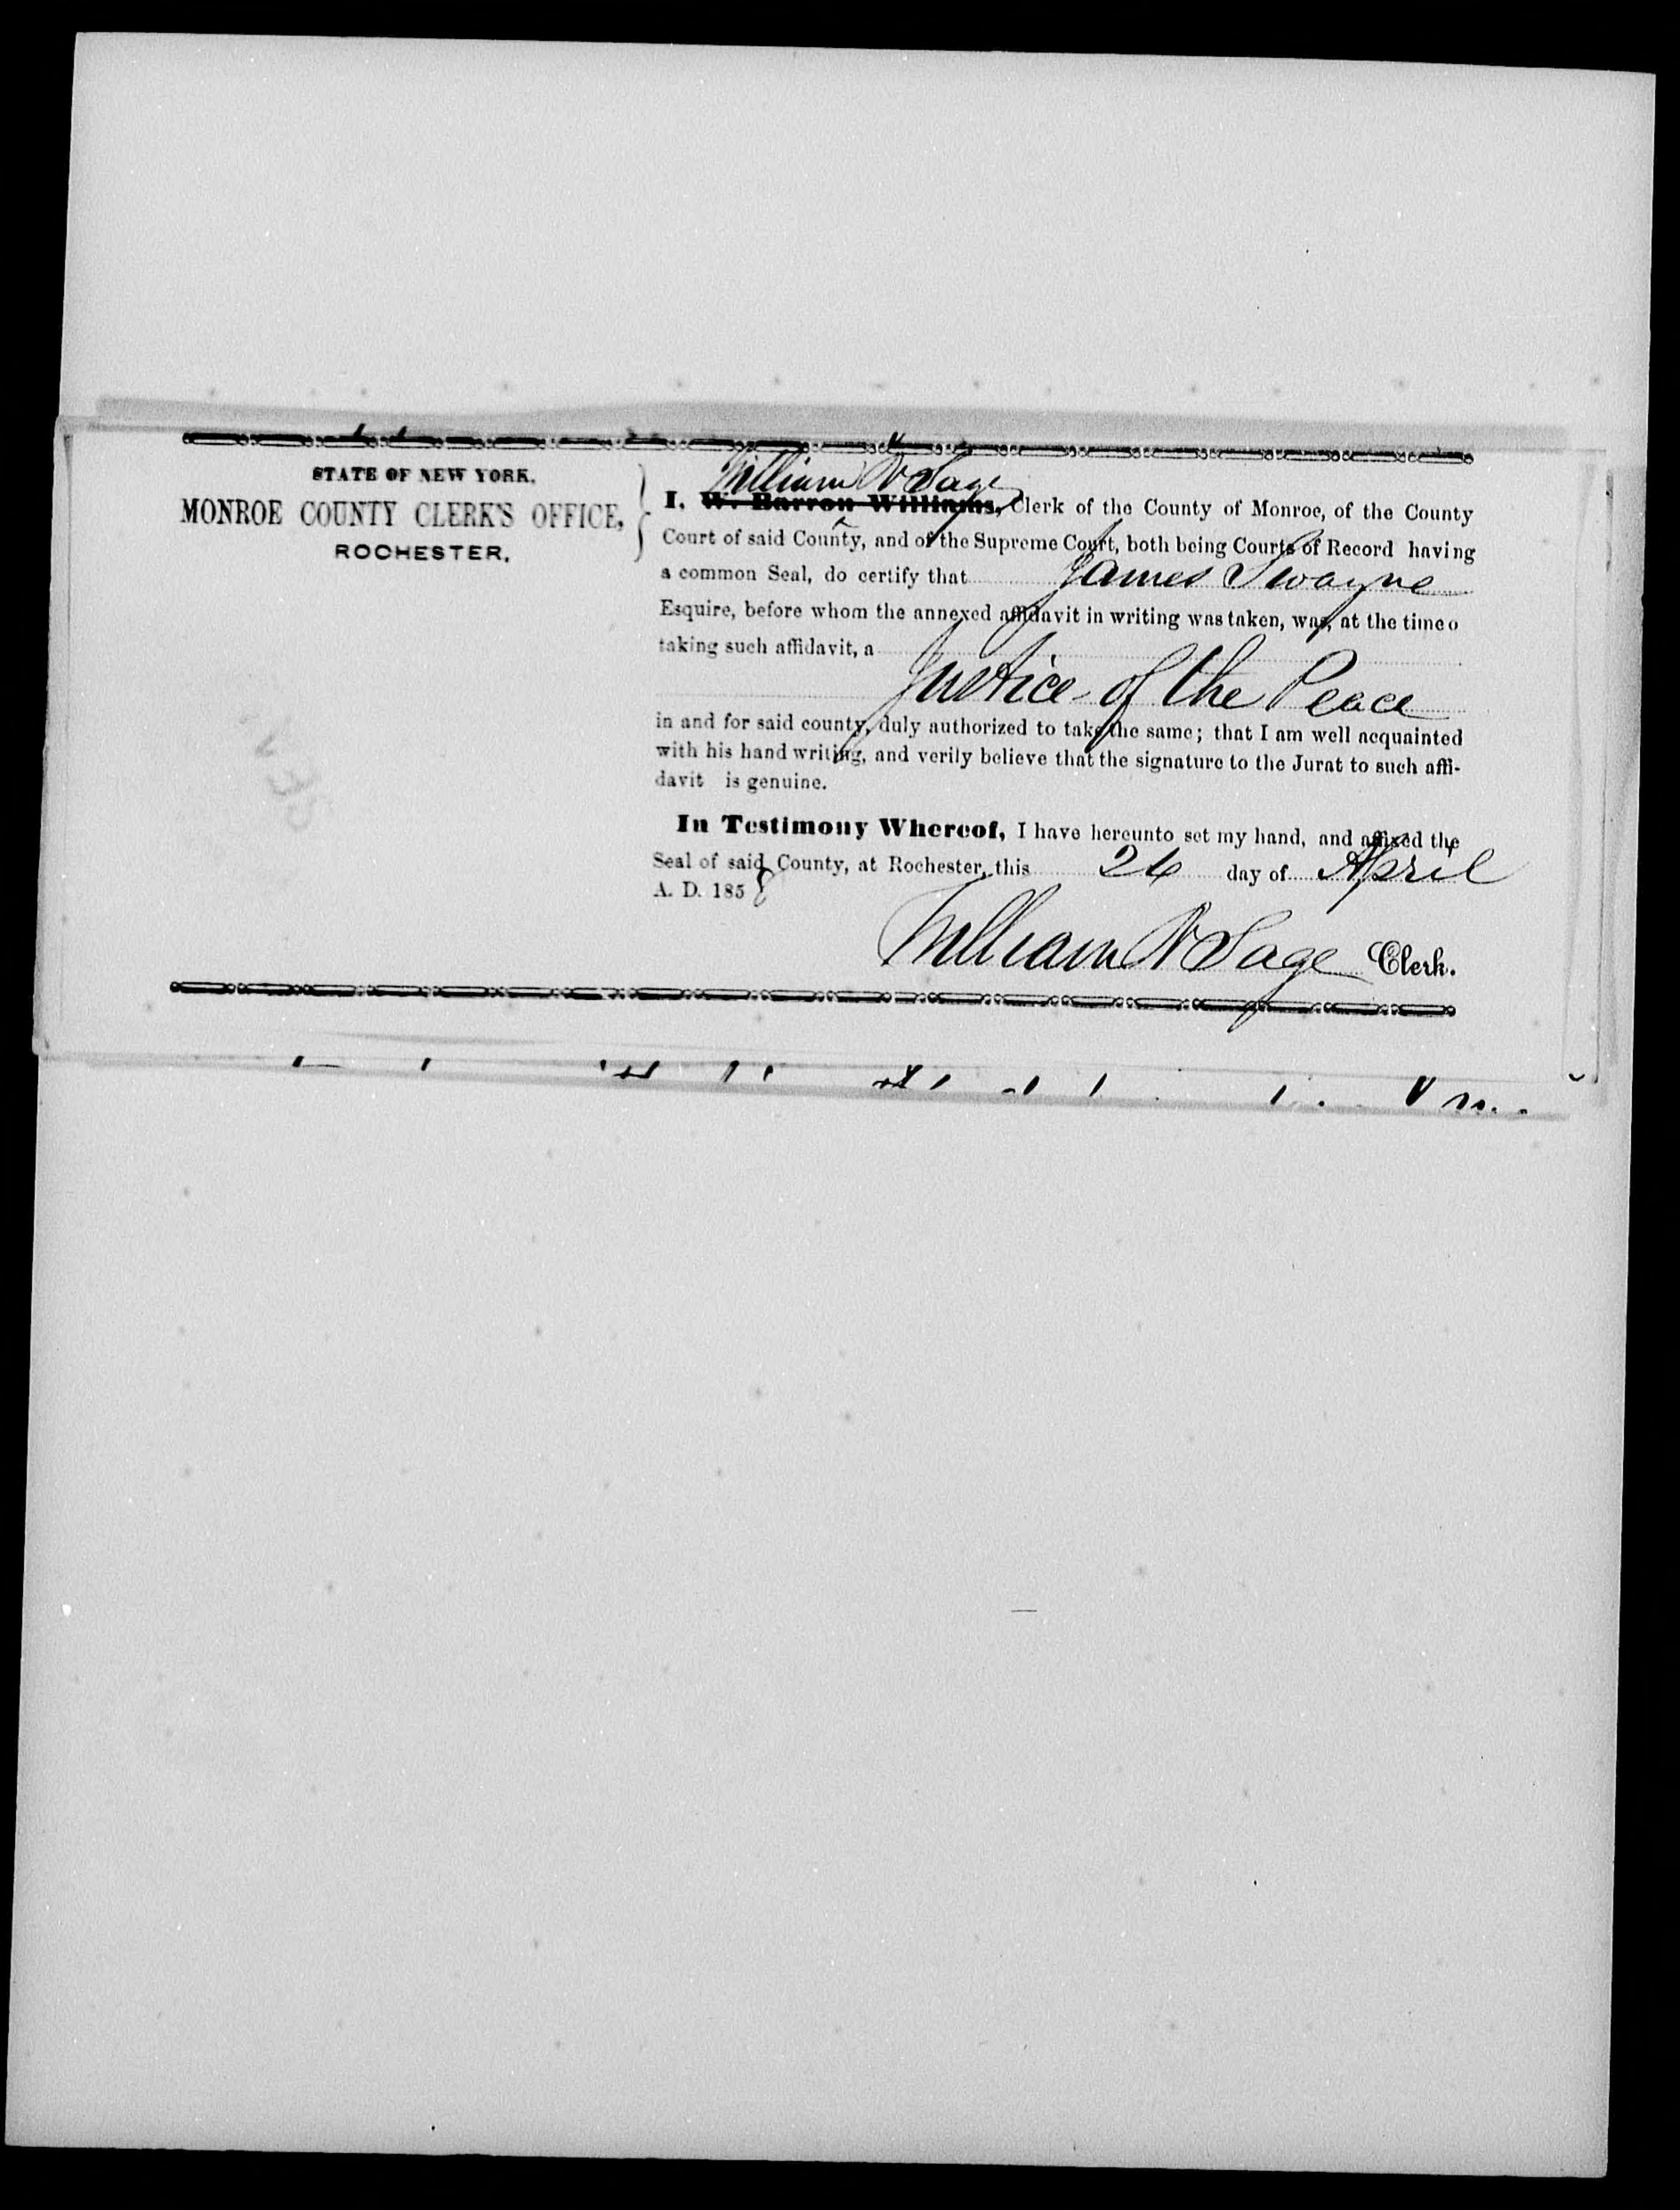STATE OF NEW YORK,}
MONROE COUNTY CLERKS OFFICE,}
ROCHESTER.} 
I, William N Sage, Clerk of the County of Monroe, of the County
Court of said County, and of the Supreme Court, both being Courts of Record having
a common Seal, do certify that James Swayne
Esquire, before whom the annexed affidavit in writing was taken, was at the time
taking such affidavit, a
Justice of the Peace
in and for said county, duly authorized to take the same; that I am well acquainted with
his hand writing, and verily believe that the signature to the Jurat to such affi-
davit is genuine.
In Testimony Whereof, I have hereunto set my hand, and affixed the
seal of said County, at Rochester, this 24 day of April
A.D. 1858
William N. Sage Clerk.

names: William N Sage, William N Sage, James Swayne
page: 13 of 41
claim: widow's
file: W. 9819, Nathaniel Cumings, Vt.